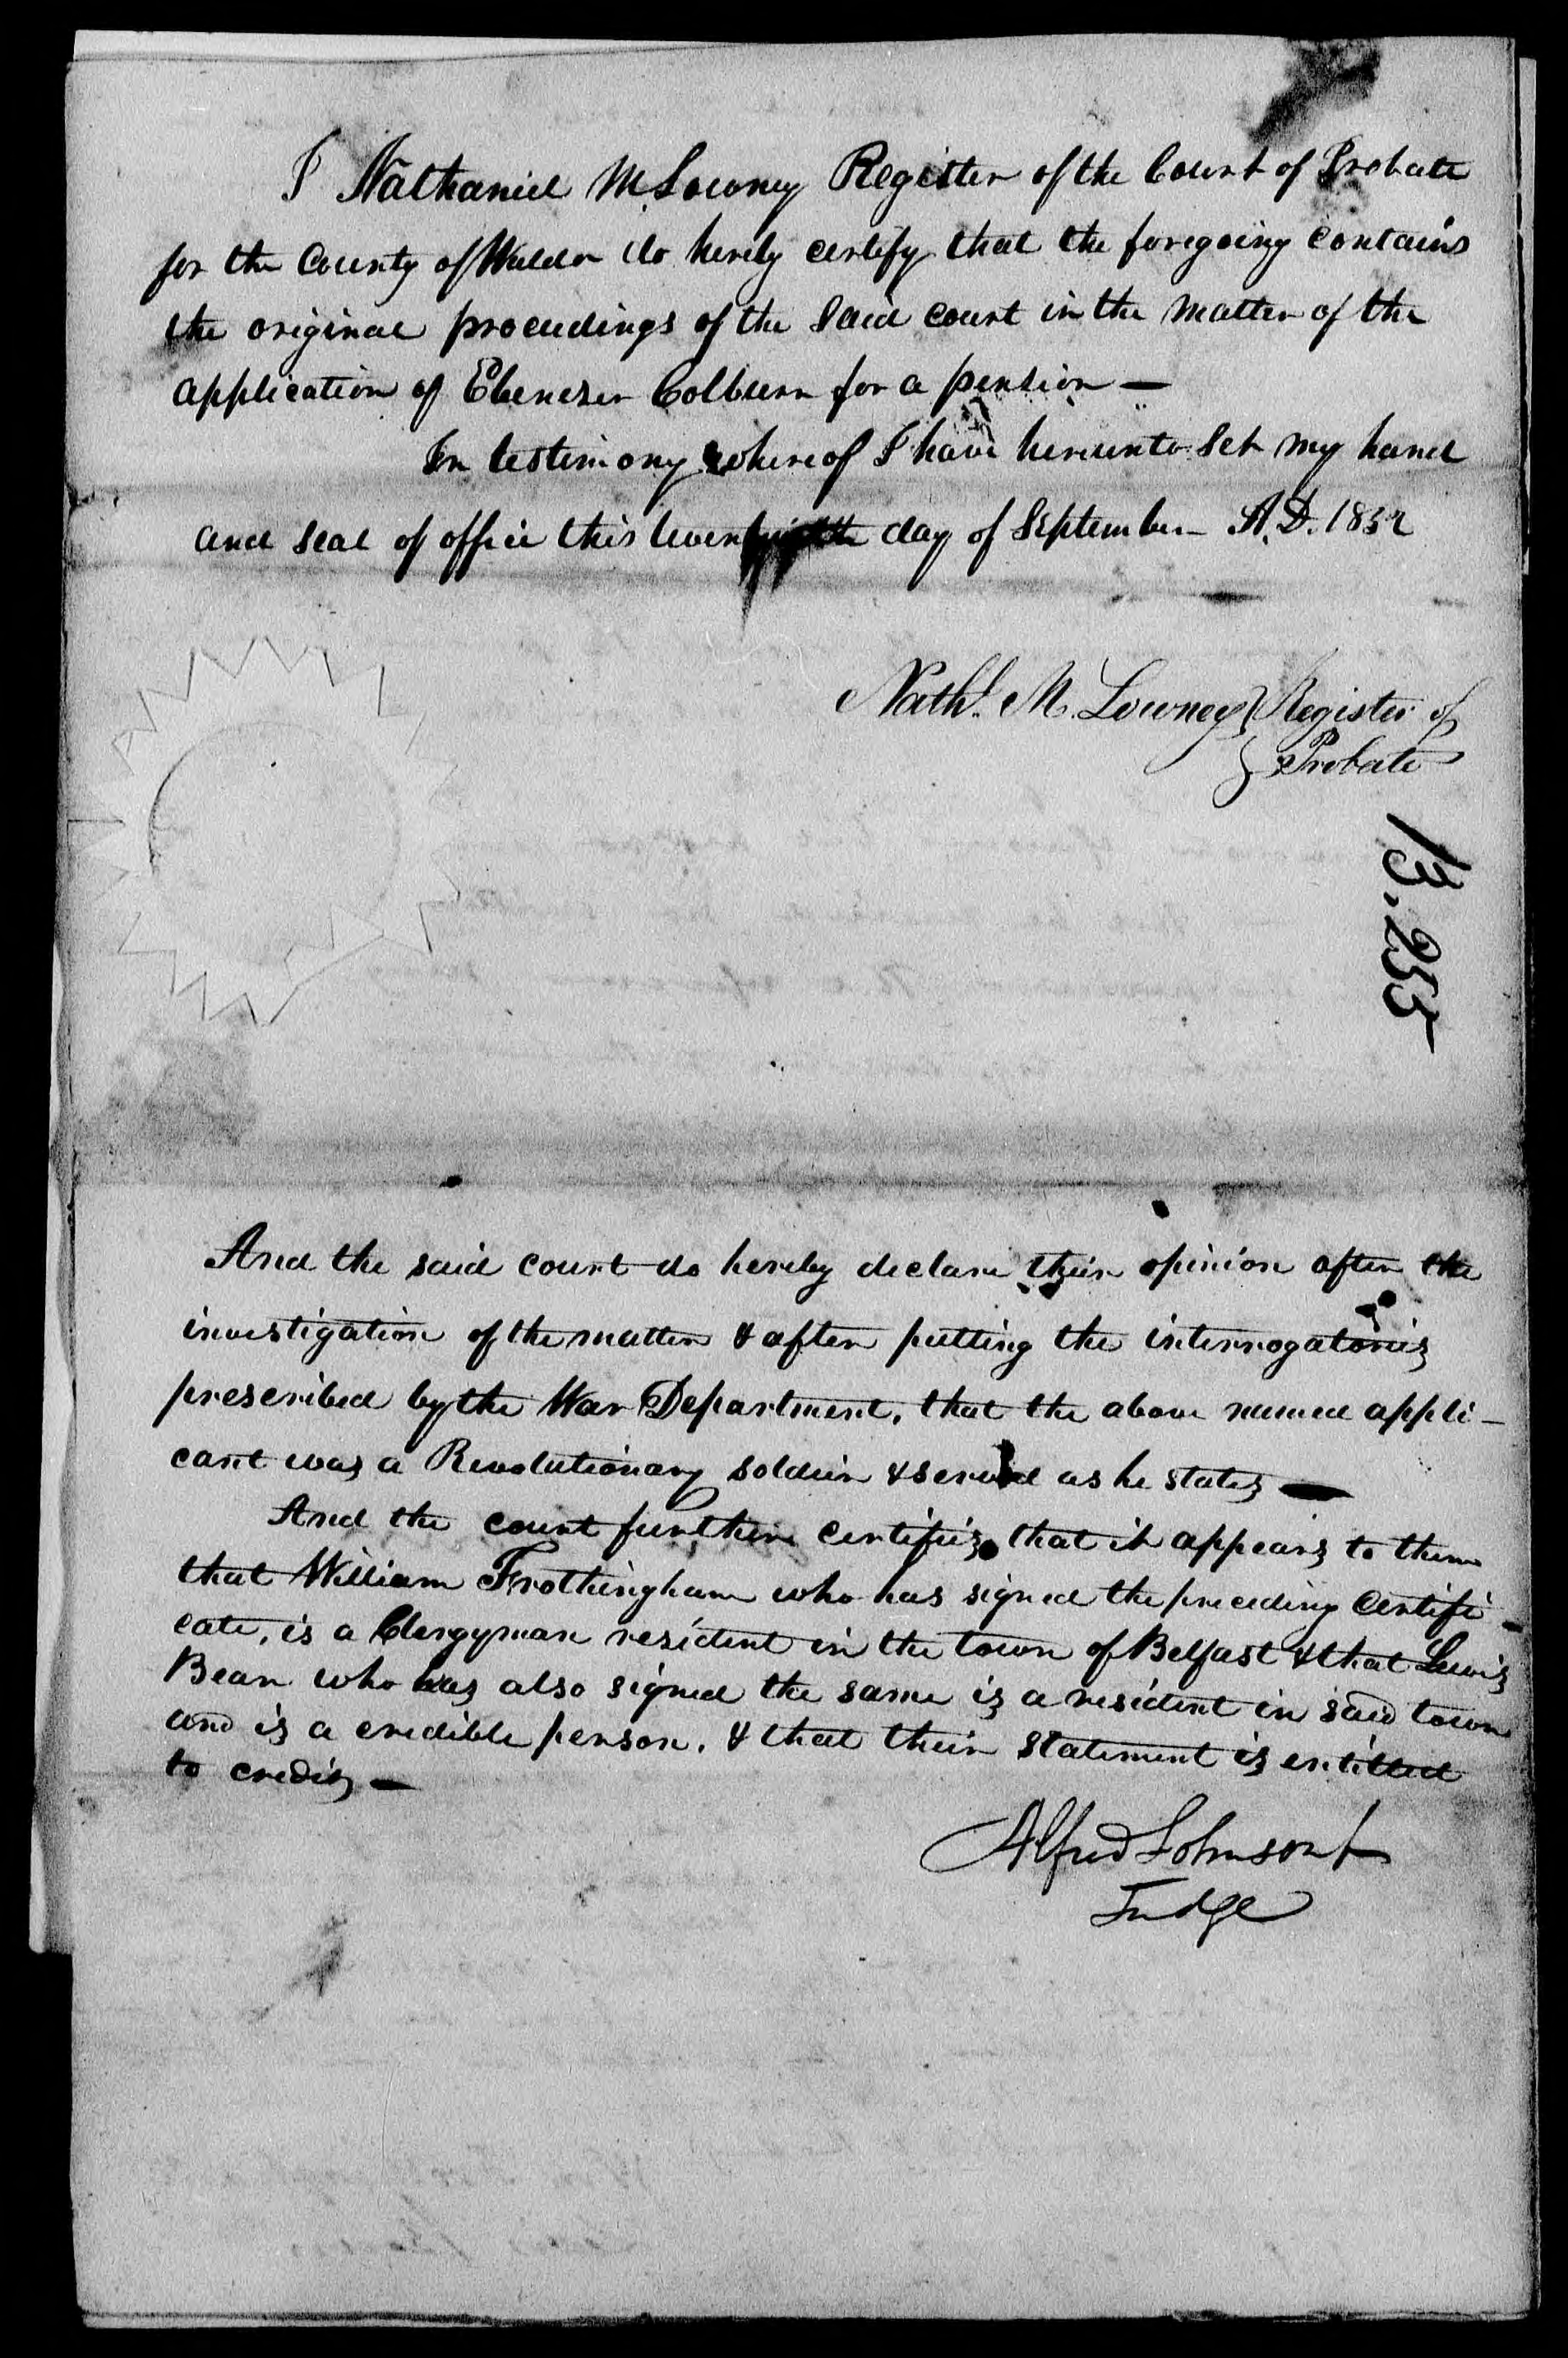I Nathaniel M. Lowney Register of the Court of Probate
the County of Waldo do hereby certify that the foregoing contains
the original proceedings of the said Court in the matter of the
application of Ebenezer Colburn for a pension
In testimony whereof I have hereunto set my hand
and seal of office this twentieth day of September A.D. 1832
Nathl M. Lowney Register of
Probate

And the said Court do hereby declare their opinion after the
investigation of the matter & after putting the interrogatories
prescribed by the War Department, that the above named appli
cant was a Revolutionary soldier & served as he states
And the court further certifies that it appears to them
that William Frothingham who has signed the preceding certifi
cate, is a Clergyman resident in the town of Belfast & that heirs
Bean who has also signed the same is a resident in said town
and is a credible person, & that their statement is entitled
to credit-
Signature of Alfred Johnson
Judge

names: William Frothingham, Nathaniel M Lowney, Ebenezer Colburn, Nathal M Lowney, Alfred Johnson, Lewis Bean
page: 8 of 10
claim: survivor's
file: S. 29083, Ebenezer Colburn, Mass.